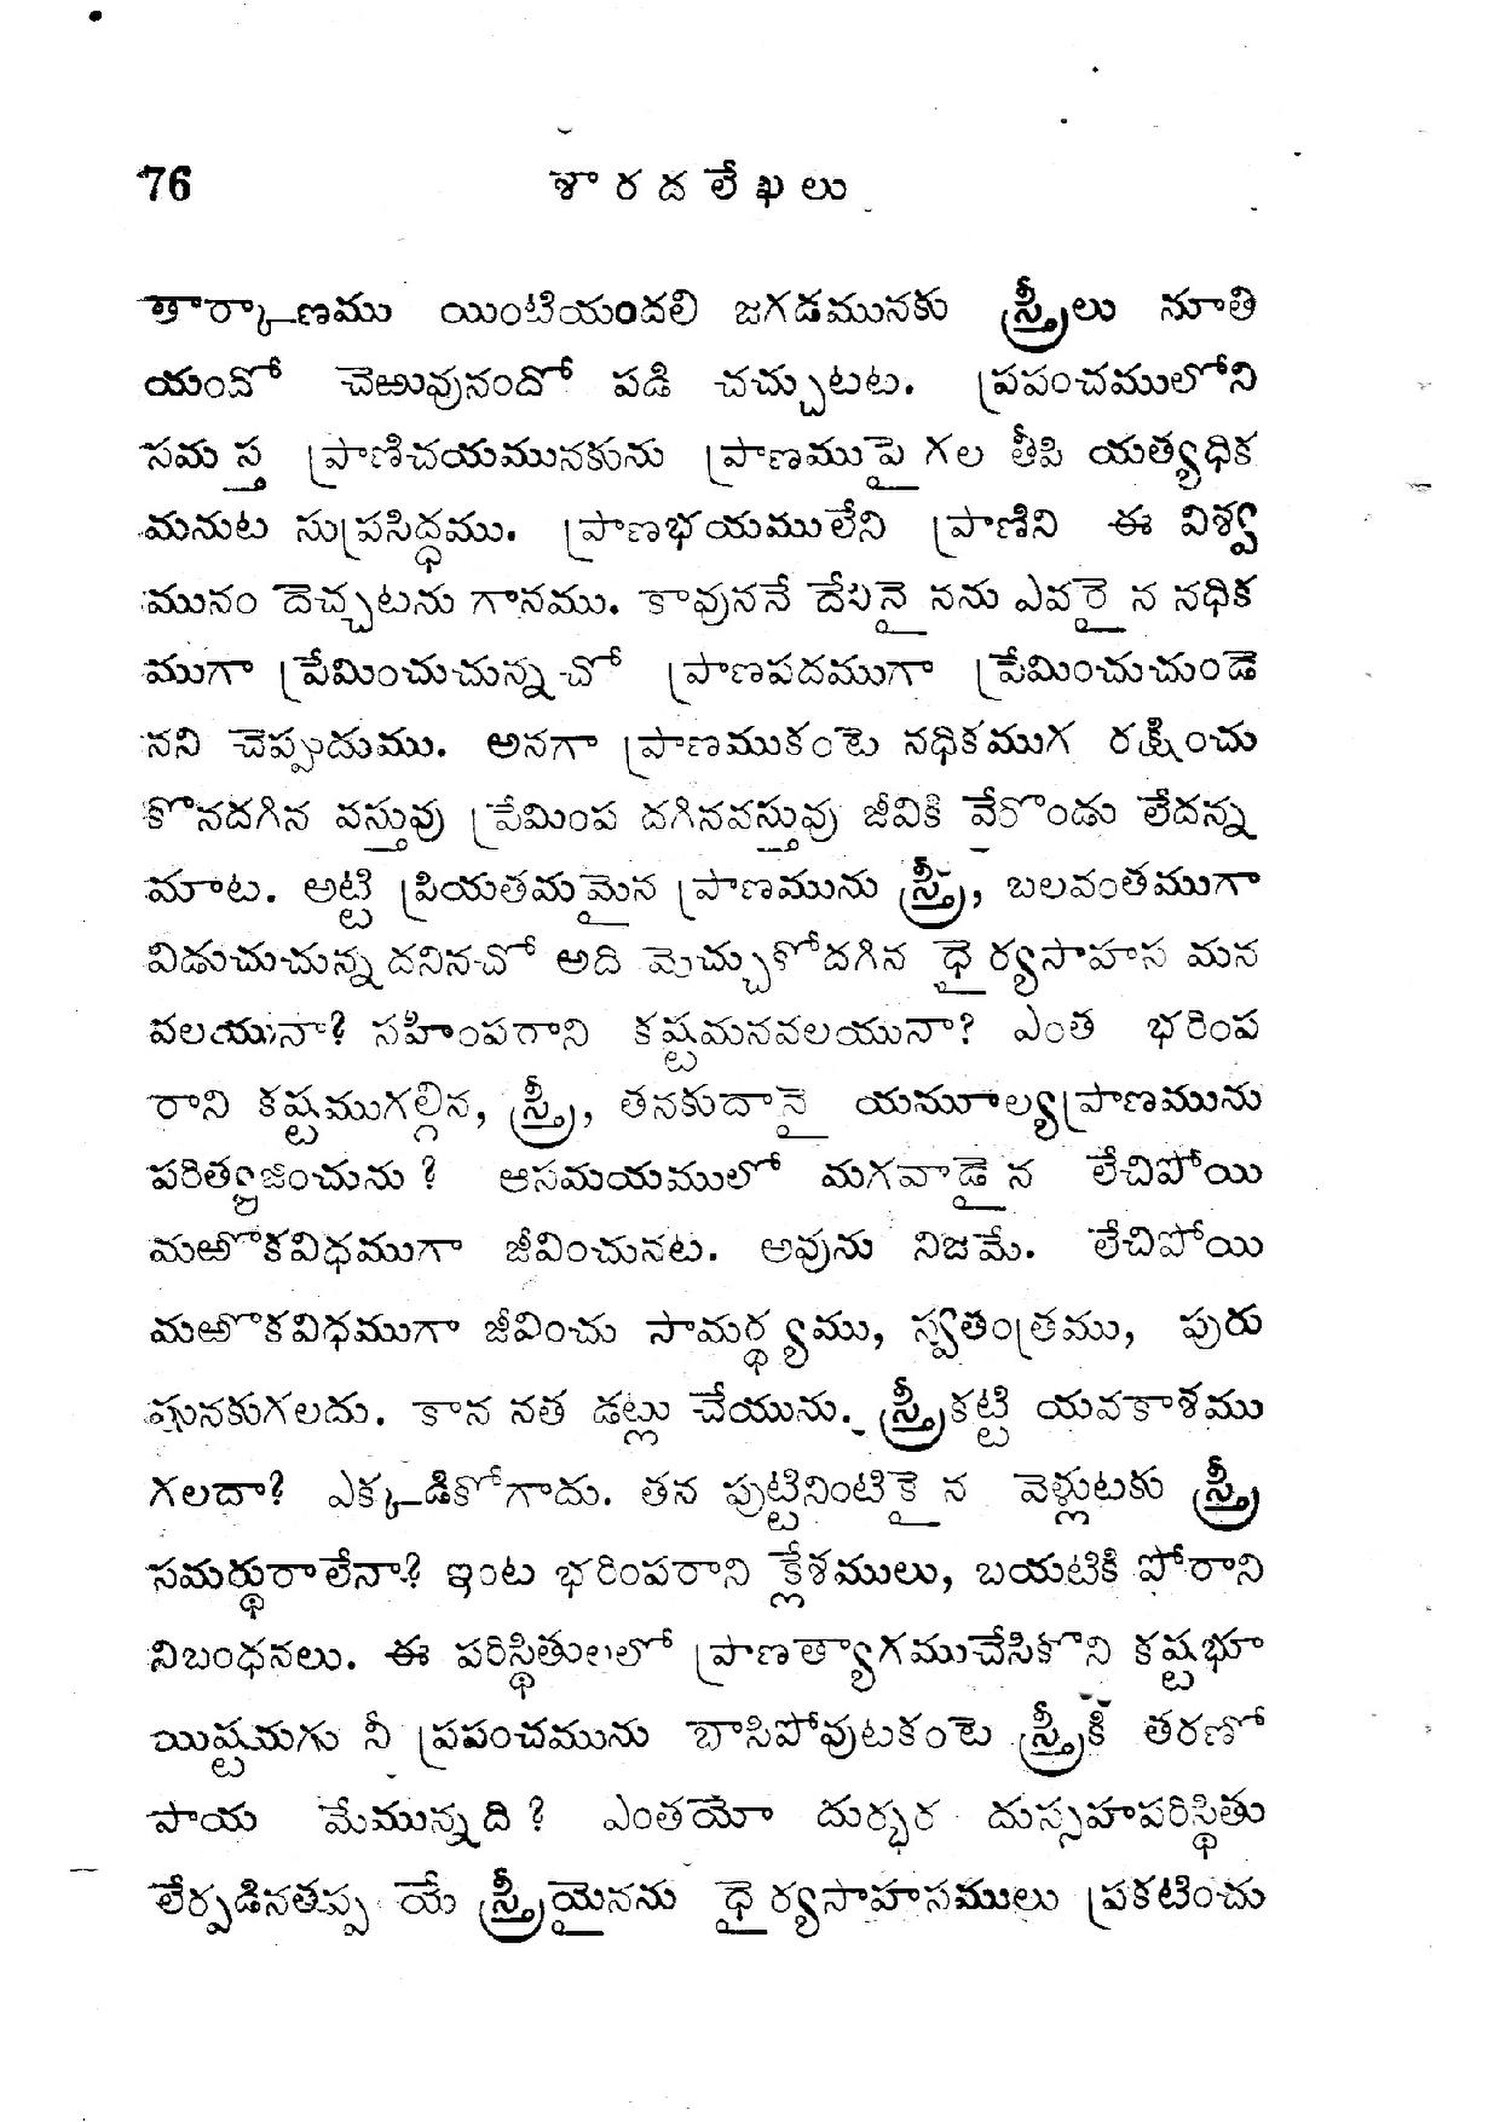తార్కాణము యింటియందలి జగడమునకు స్త్రీలు నూతి
యందో చెఱువునందో పడి చచ్చుటట. ప్రపంచములోని
సమస్త ప్రాణిచయమునకును ప్రాణముపై గల తీపి యత్యధిక
మనుట సుప్రసిద్ధము. ప్రాణభయములేని ప్రాణిని ఈ విశ్వ
మునం దెచ్చటను గానము. కావుననే దేనినై నను ఎవరైన నధిక
ముగా ప్రేమించుచున్నచో ప్రాణపదముగా ప్రేమించుచుండె
నని చెప్పుదుము. అనగా ప్రాణముకంటె నధికముగ రక్షించు
కొనదగిన వస్తువు ప్రేమింప దగినవస్తువు జీవికి వేరొండు లేదన్న
మాట. అట్టి ప్రియతమమైన ప్రాణమును స్త్రీ, బలవంతముగా
విడుచుచున్నదనినచో అది మెచ్చుకోదగిన ధైర్యసాహస మన
వలయునా? సహింపరాని కష్టమనవలయునా? ఎంత భరింప
రాని కష్టముగల్గిన, స్త్రీ, తనకుదానై యమూల్యప్రాణమును
పరిత్యజించును? ఆసమయములో మగవాడైన లేచిపోయి
మఱొకవిధముగా జీవించునట. అవును నిజమే. లేచిపోయి
మఱొకవిధముగా జీవించు సామర్థ్యము, స్వతంత్రము, పురు
షు‌నకుగలదు. కాన నత డట్లు చేయును. స్త్రీకట్టి యవకాశము
గలదా? ఎక్కడికోగాదు. తన పుట్టినింటికైన వెళ్లుటకు స్త్రీ
సమర్థురాలేనా? ఇంట భరింపరాని క్లేశములు, బయటికి పోరాని
నిబంధనలు. ఈ పరిస్థితులలో ప్రాణత్యాగముచేసికొని కష్టభూ
యిష్టమగు నీ ప్రపంచమును బాసిపోవుటకంటె స్త్రీకి తరణో
సాయ మేమున్నది? ఎంతయో దుర్భర దుస్సహపరిస్థితు
లేర్పడినతప్ప యే స్త్రీయైనను ధైర్యసాహసములు ప్రకటించు